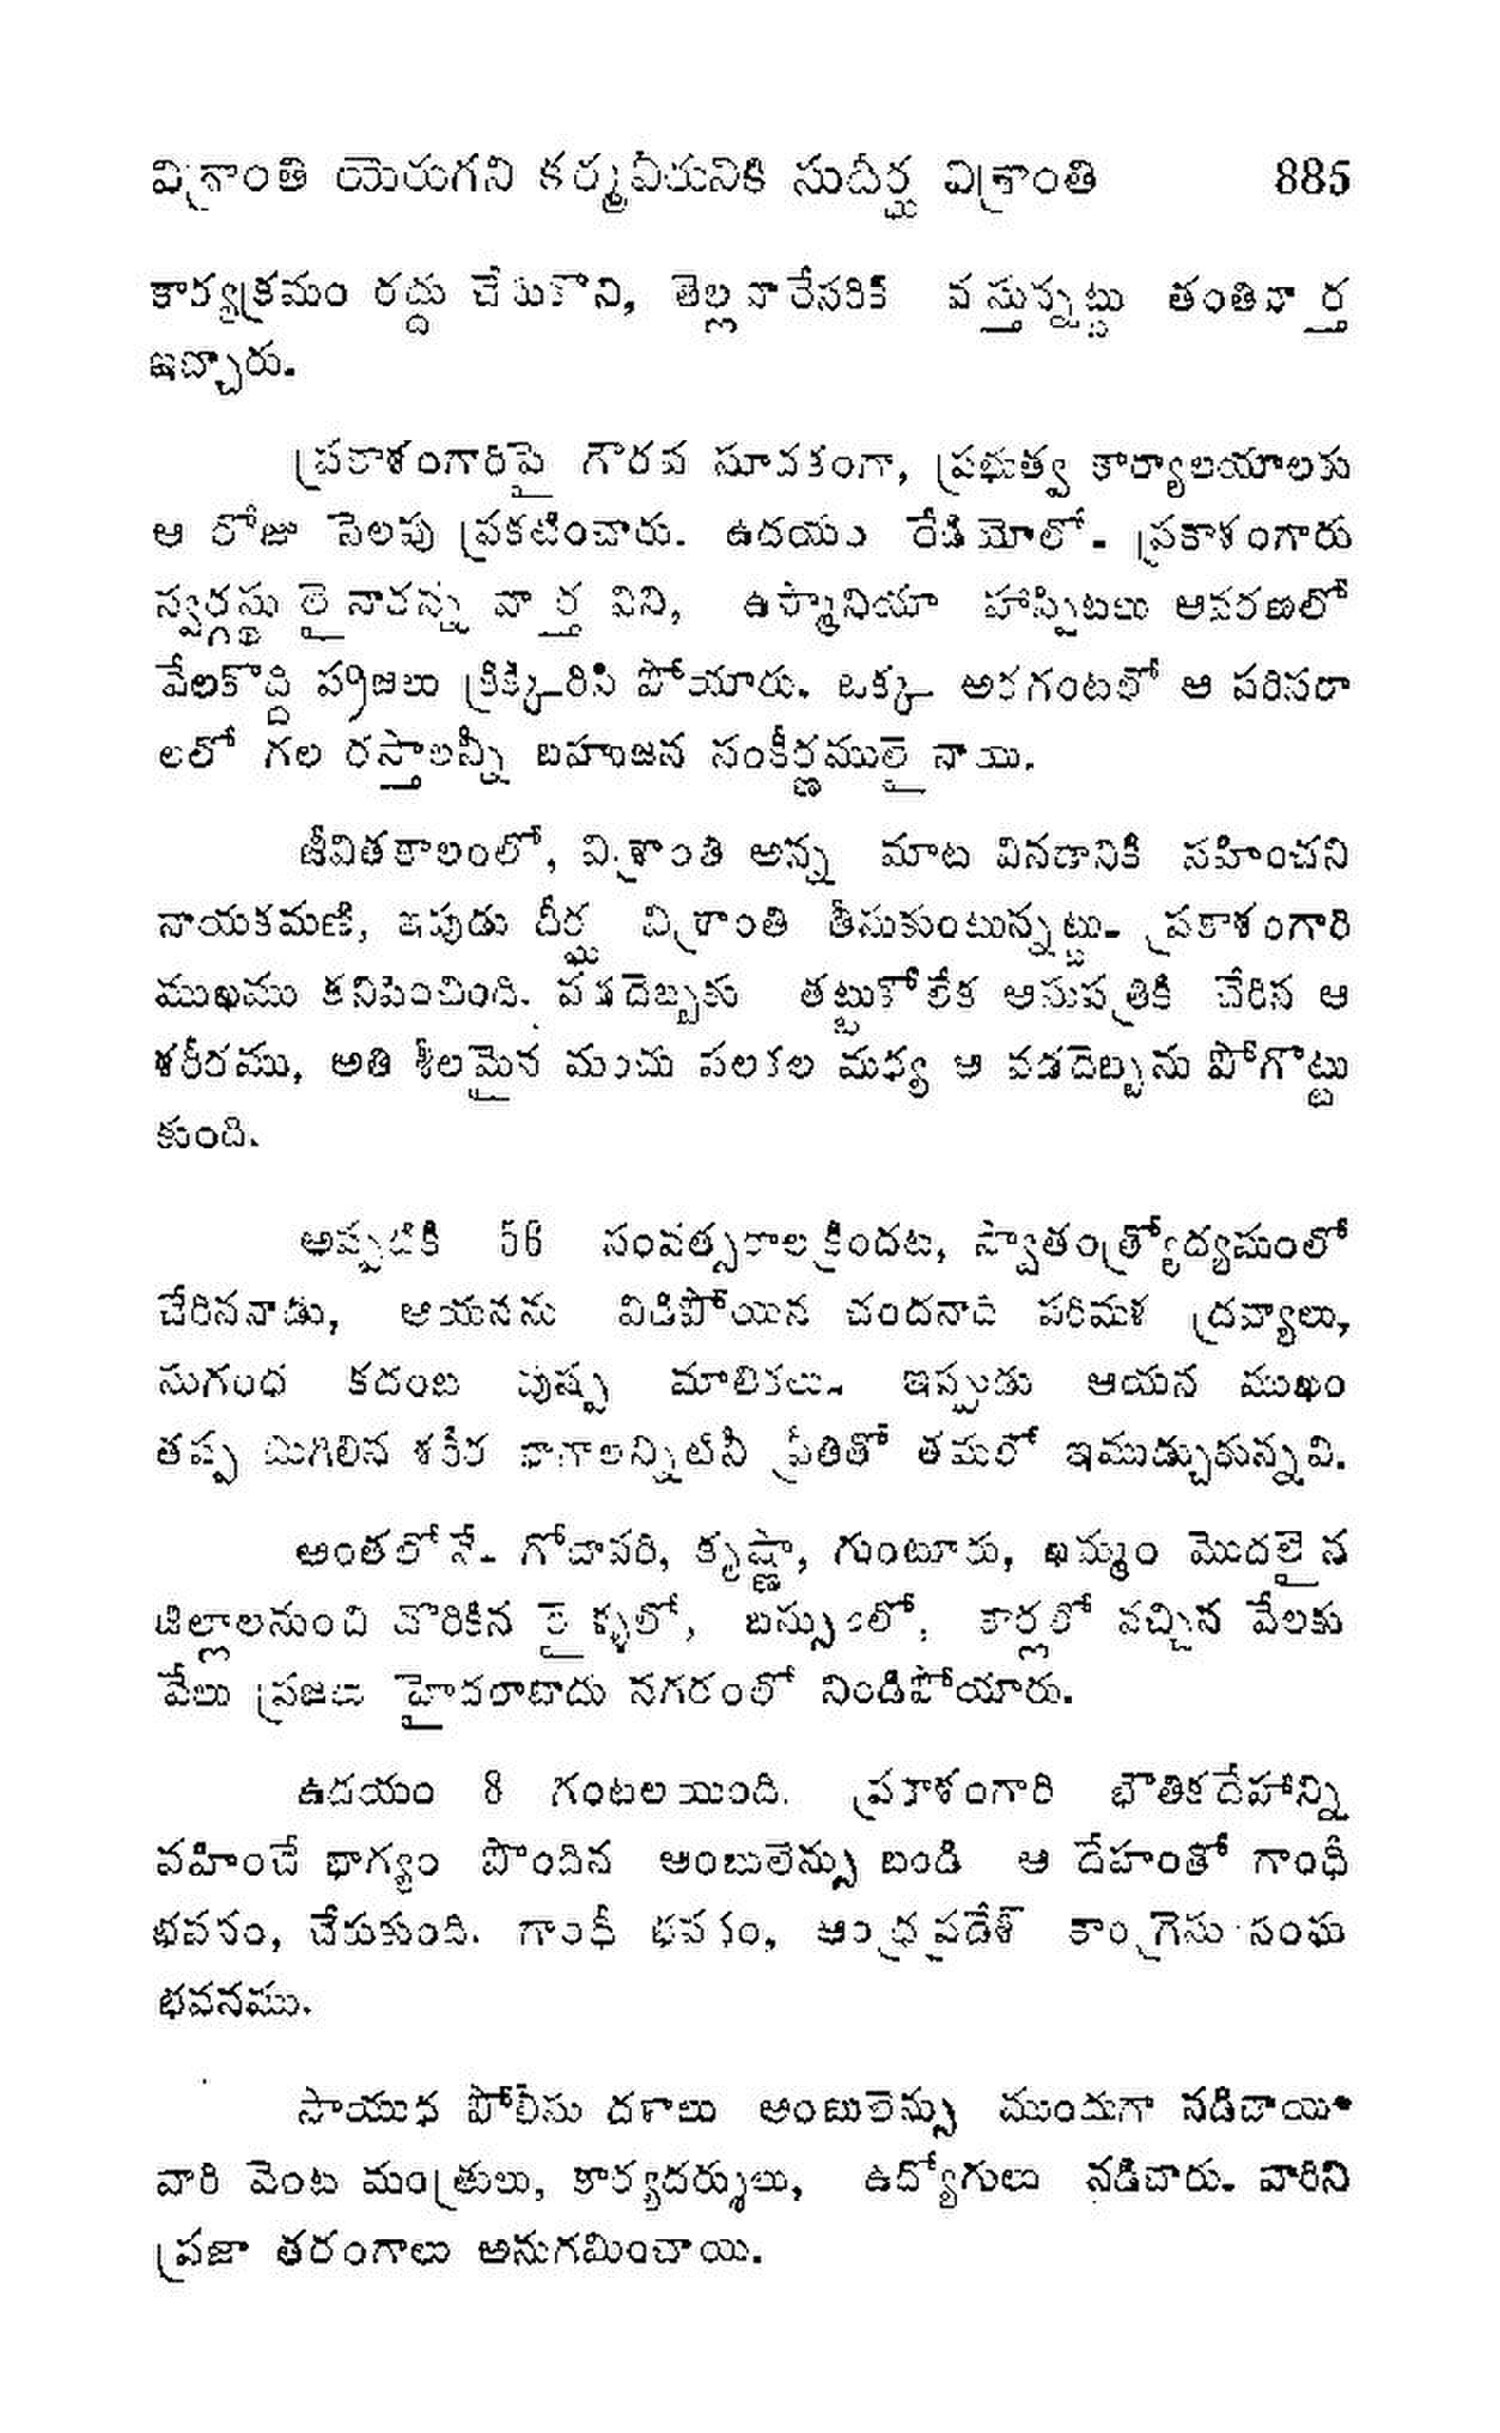కార్యక్రమం రద్దు చేసుకొని, తెల్లవారేసరికి వస్తున్నట్టు తంతివార్త ఇచ్చారు.

ప్రకాశంగారిపై గౌరవ సూచకంగా, ప్రభుత్వ కార్యాలయాలకు ఆ రోజు సెలవు ప్రకటించారు. ఉదయం రేడియోలో - ప్రకాశంగారు స్వర్గస్థు లైనారన్న వార్త విని, ఉస్మానియా హాస్పిటలు ఆవరణలో వేలకొద్ది ప్రజలు క్రిక్కిరిసి పోయారు. ఒక్క అరగంటలో ఆ పరిసరాలలో గల రస్తాలన్నీ బహుజన సంకీర్ణములై నాయి.

జీవితకాలంలో, విశ్రాంతి అన్న మాట వినడానికి సహించని నాయకమణి, ఇపుడు దీర్ఘ విశ్రాంతి తీసుకుంటున్నట్టు - ప్రకాశంగారి ముఖము కనిపించింది. వడదెబ్బకు తట్టుకోలేక ఆసుపత్రికి చేరిన ఆ శరీరము, అతి శీతలమైన మంచు పలకల మధ్య ఆ వడదెబ్బను పోగొట్టుకుంది.

అప్పటికి 56 సవత్సరాలక్రిందట, స్వాతంత్ర్యోద్యమంలో చేరినవాడు, ఆయనను విడిపోయిన చందనాది పరిమళ ద్రవ్యాలు, సుగంధ కదంబ పుష్ప మాలికలు - ఇప్పుడు ఆయన ముఖం తప్ప మిగిలిన శరీర భాగాలన్నిటినీ ప్రీతితో తమలో ఇముడ్చుకున్నవి.

అంతలోనే - గోదావరి, కృష్ణా, గుంటూరు, ఖమ్మం మొదలైన జిల్లాలనుంచి దొరికిన రైళ్ళలో, బస్సులలో, కార్లలో వచ్చిన వేలకు వేలు ప్రజలు హైదరాబాదు నగరంలో నిండిపోయారు.

ఉదయం 8 గంటలయింది. ప్రకాశంగారి భౌతికదేహాన్ని వహించే భాగ్యం పొందిన అంబులెన్సు బండి ఆ దేహంతో గాంధీ భవనం, చేరుకుంది. గాంధీ భవనం, ఆంధ్రప్రదేశ్ కాంగ్రెసు సంఘ భవనము.

సాయుధ పోలీసు దళాలు అంబులెన్సు ముందుగా నడిచాయి. వారి వెంట మంత్రులు, కార్యదర్శులు, ఉద్యోగులు నడిచారు. వారిని ప్రజా తరంగాలు అనుగమించాయి.